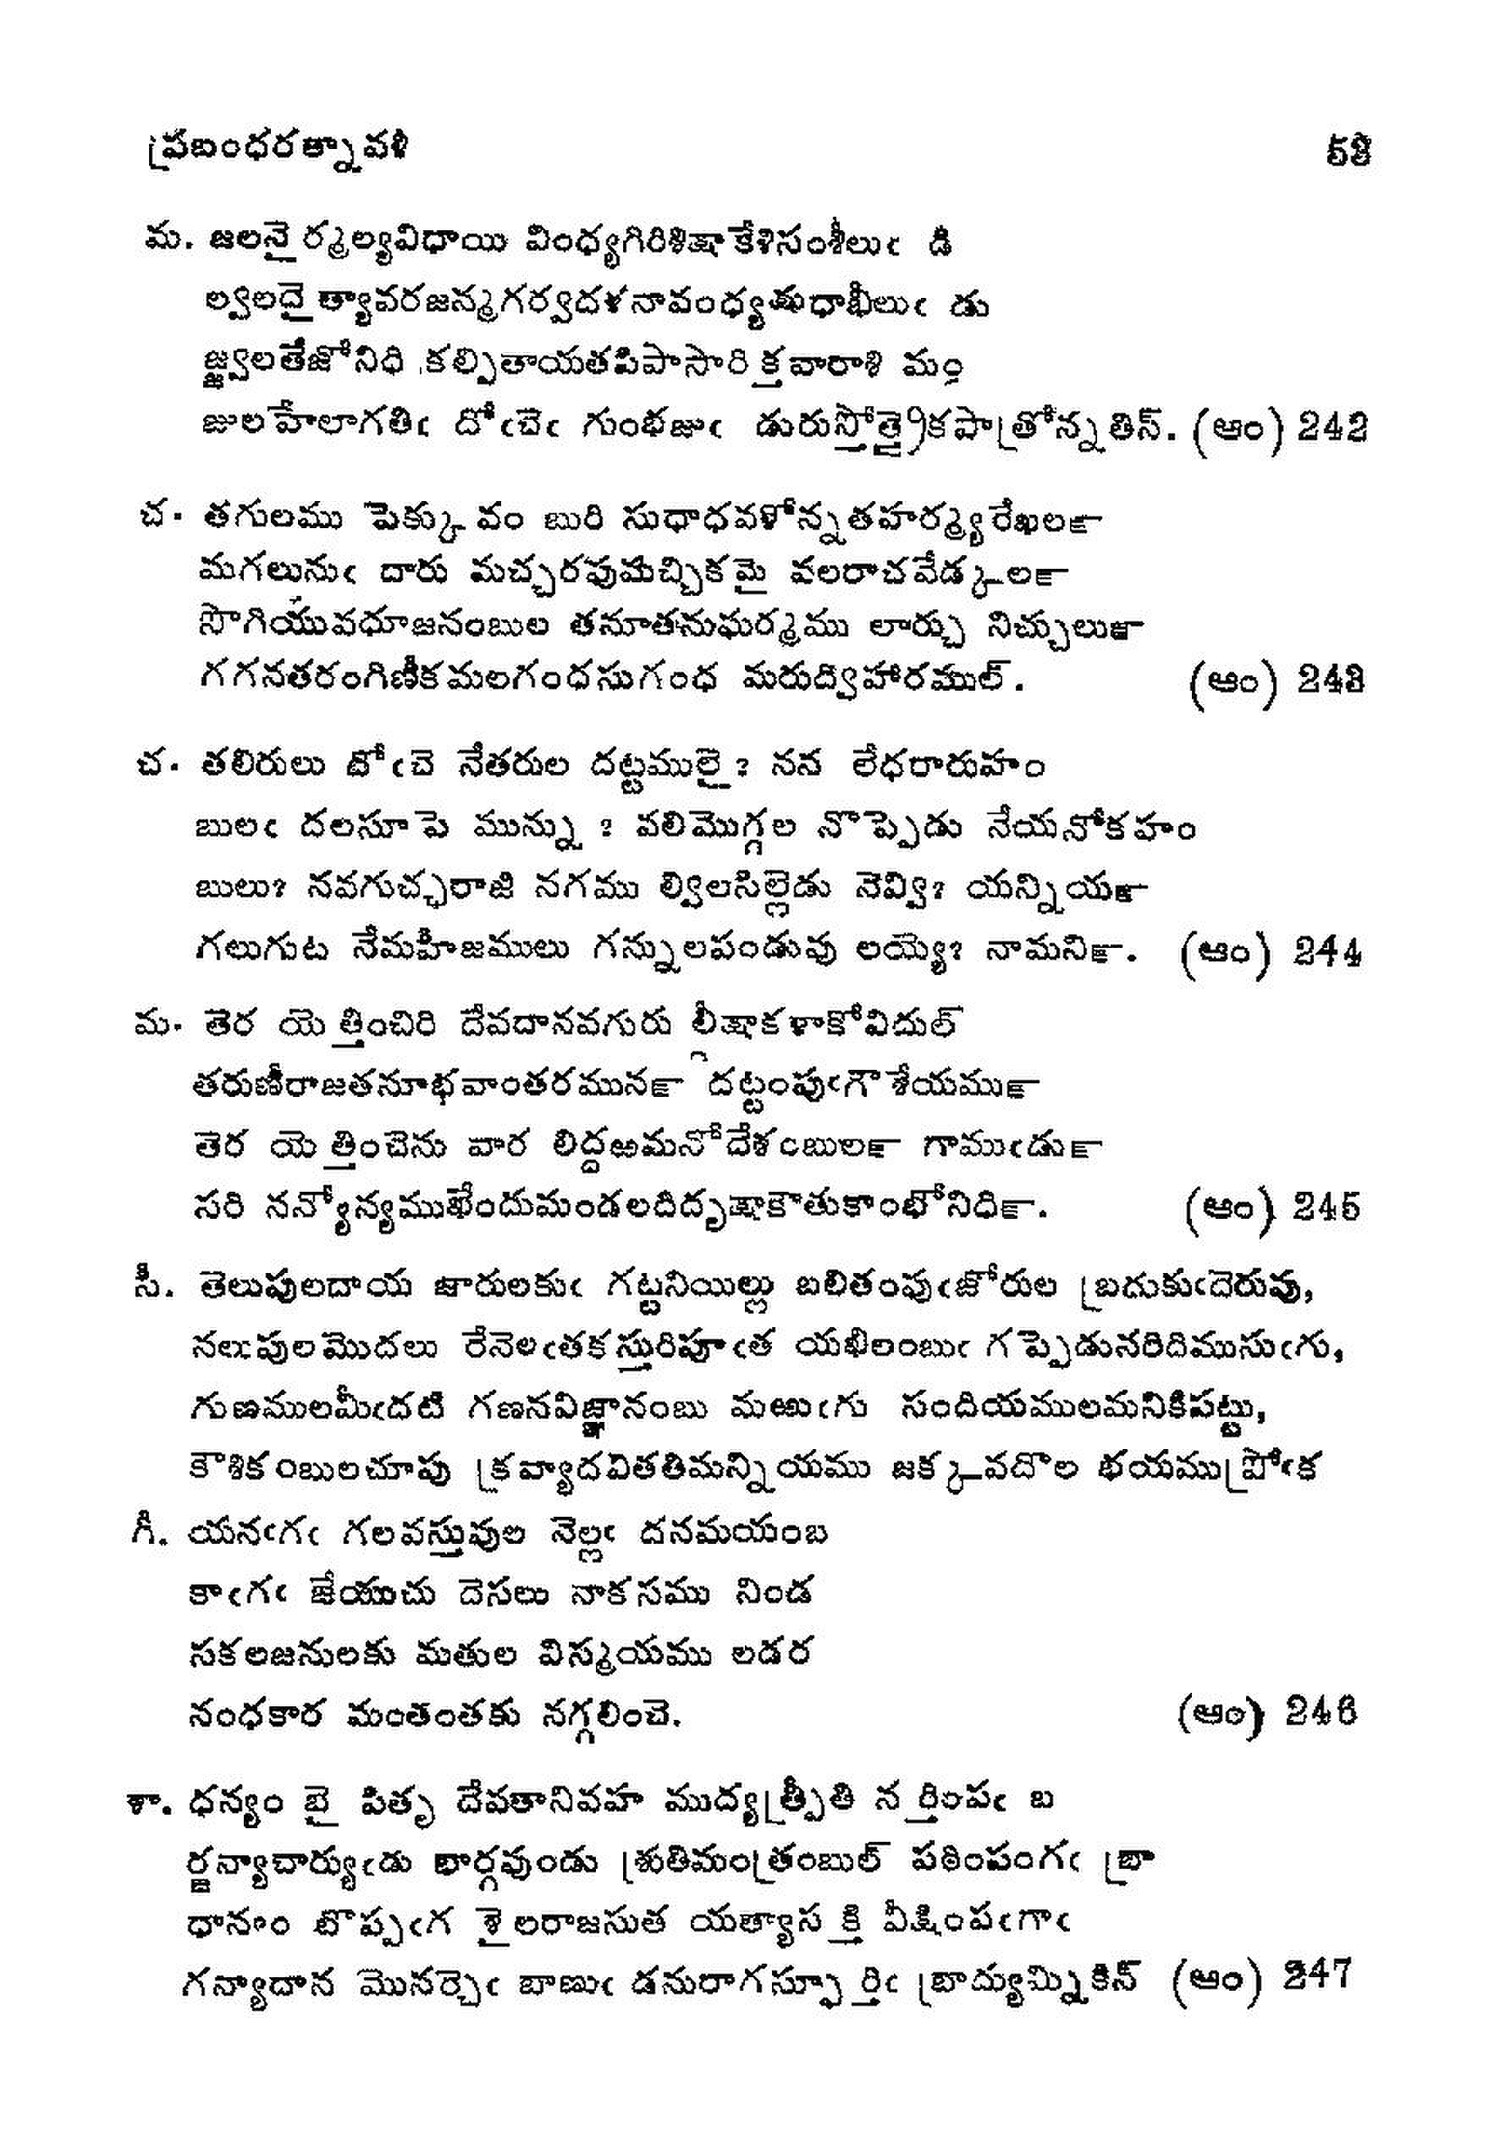మ. జలనైర్మల్యవిధాయి వింధ్యగిరి శిక్షాకేళిసంశీలుఁ డి
ల్వల దైత్యావరజన్మగర్వదళనావంధ్యక్షుధాభీలుఁ డు
జ్జ్వలతేజోనిధి కల్పితాయత పిపాసారిక్తవారాశి మం
జుల హేలాగతిఁ దోఁచెఁ గుంభజుఁ డురుస్తోత్రైకపాత్రోన్నతిన్. (ఆం) 242

చ. తగులము పెక్కువం బురి సుధాధవళోన్నత హర్మ్యరేఖలన్
మగలునుఁ దారు మచ్చరపుమచ్చికమై వలరాచవేడ్కలన్
సొగియు వధూజనంబుల తనూతనుఘర్మము లార్చు నిచ్చలున్
గగనతరంగిణీ కమలగంధసుగంధ మరుద్విహారముల్. (ఆం) 243

చ. తలిరులు దోచె నే తరుల దట్టములై? నన లే ధరారుహం
బుల దలసూపె మున్ను? వలిమొగ్గల నొప్పెడు నే యనోకహం
బులు? నవగుచ్ఛరాశి నగము ల్విలసిల్లెడు నెవ్వి? యన్నియున్
గలుగుట నే మహీజములు గన్నులపండువు లయ్యె? నామనిన్. (ఆం) 244

మ. తెర యెత్తించిరి దేవదానవగురుల్దీక్షాకళాకోవిదుల్
తరుణీరాజతనూభవాంతరమునన్ దట్టంపుఁ గౌశేయమున్
తెర యెత్తించెను వారలిద్దఱ మనోదేశంబులన్ గాముఁడున్
సరి నన్యోన్యముఖేందుమండలదిదృక్షాకౌతుకాంభోనిధిన్. (ఆం) 245

సీ. తెలపుల దాయ జారులకుఁ గట్టనియిల్లు బలితంపుఁజోరుల బ్రదుకుఁదెరువు,
నలుపుల మొదలు రే నెలఁతకస్తురిపూఁత యఖిలంబుఁ గప్పెడు నరిదిముసుఁగు,
గుణములమీఁదటి గణనవిజ్ఞానంబు మఱుఁగు సందియముల మనికిపట్టు,
కౌశికంబులచూపు క్రవ్యాదవితతి మ న్నియము జక్కవదొల భయముప్రోఁక,
గీ. యనఁగఁ గలవస్తువుల నెల్లఁ దనమయంబ
కాఁగఁ జేయుచు దెసలు నాకసము నిండ
సకలజనులకు మతుల విస్మయము లడర
నంధకార మంతంతకు నగ్గలించె. (ఆం) 246

శా. ధన్యంబై పితృదేవతానివహ ముద్యత్ప్రీతి నర్తింపఁ బ
ర్జన్యాచార్యుఁడు భార్గవుండు శ్రుతిమంత్రంబుల్ పఠింపంగఁ బ్రా
ధాన్యం బొప్పఁగ శైలరాజసుత యత్యాసక్తి వీక్షింపఁగాఁ
గన్యాదాన మొనర్చెఁ బాణుఁ డనురాగస్ఫూర్తిఁ బ్రాద్యుమ్నికిన్. (ఆం) 247